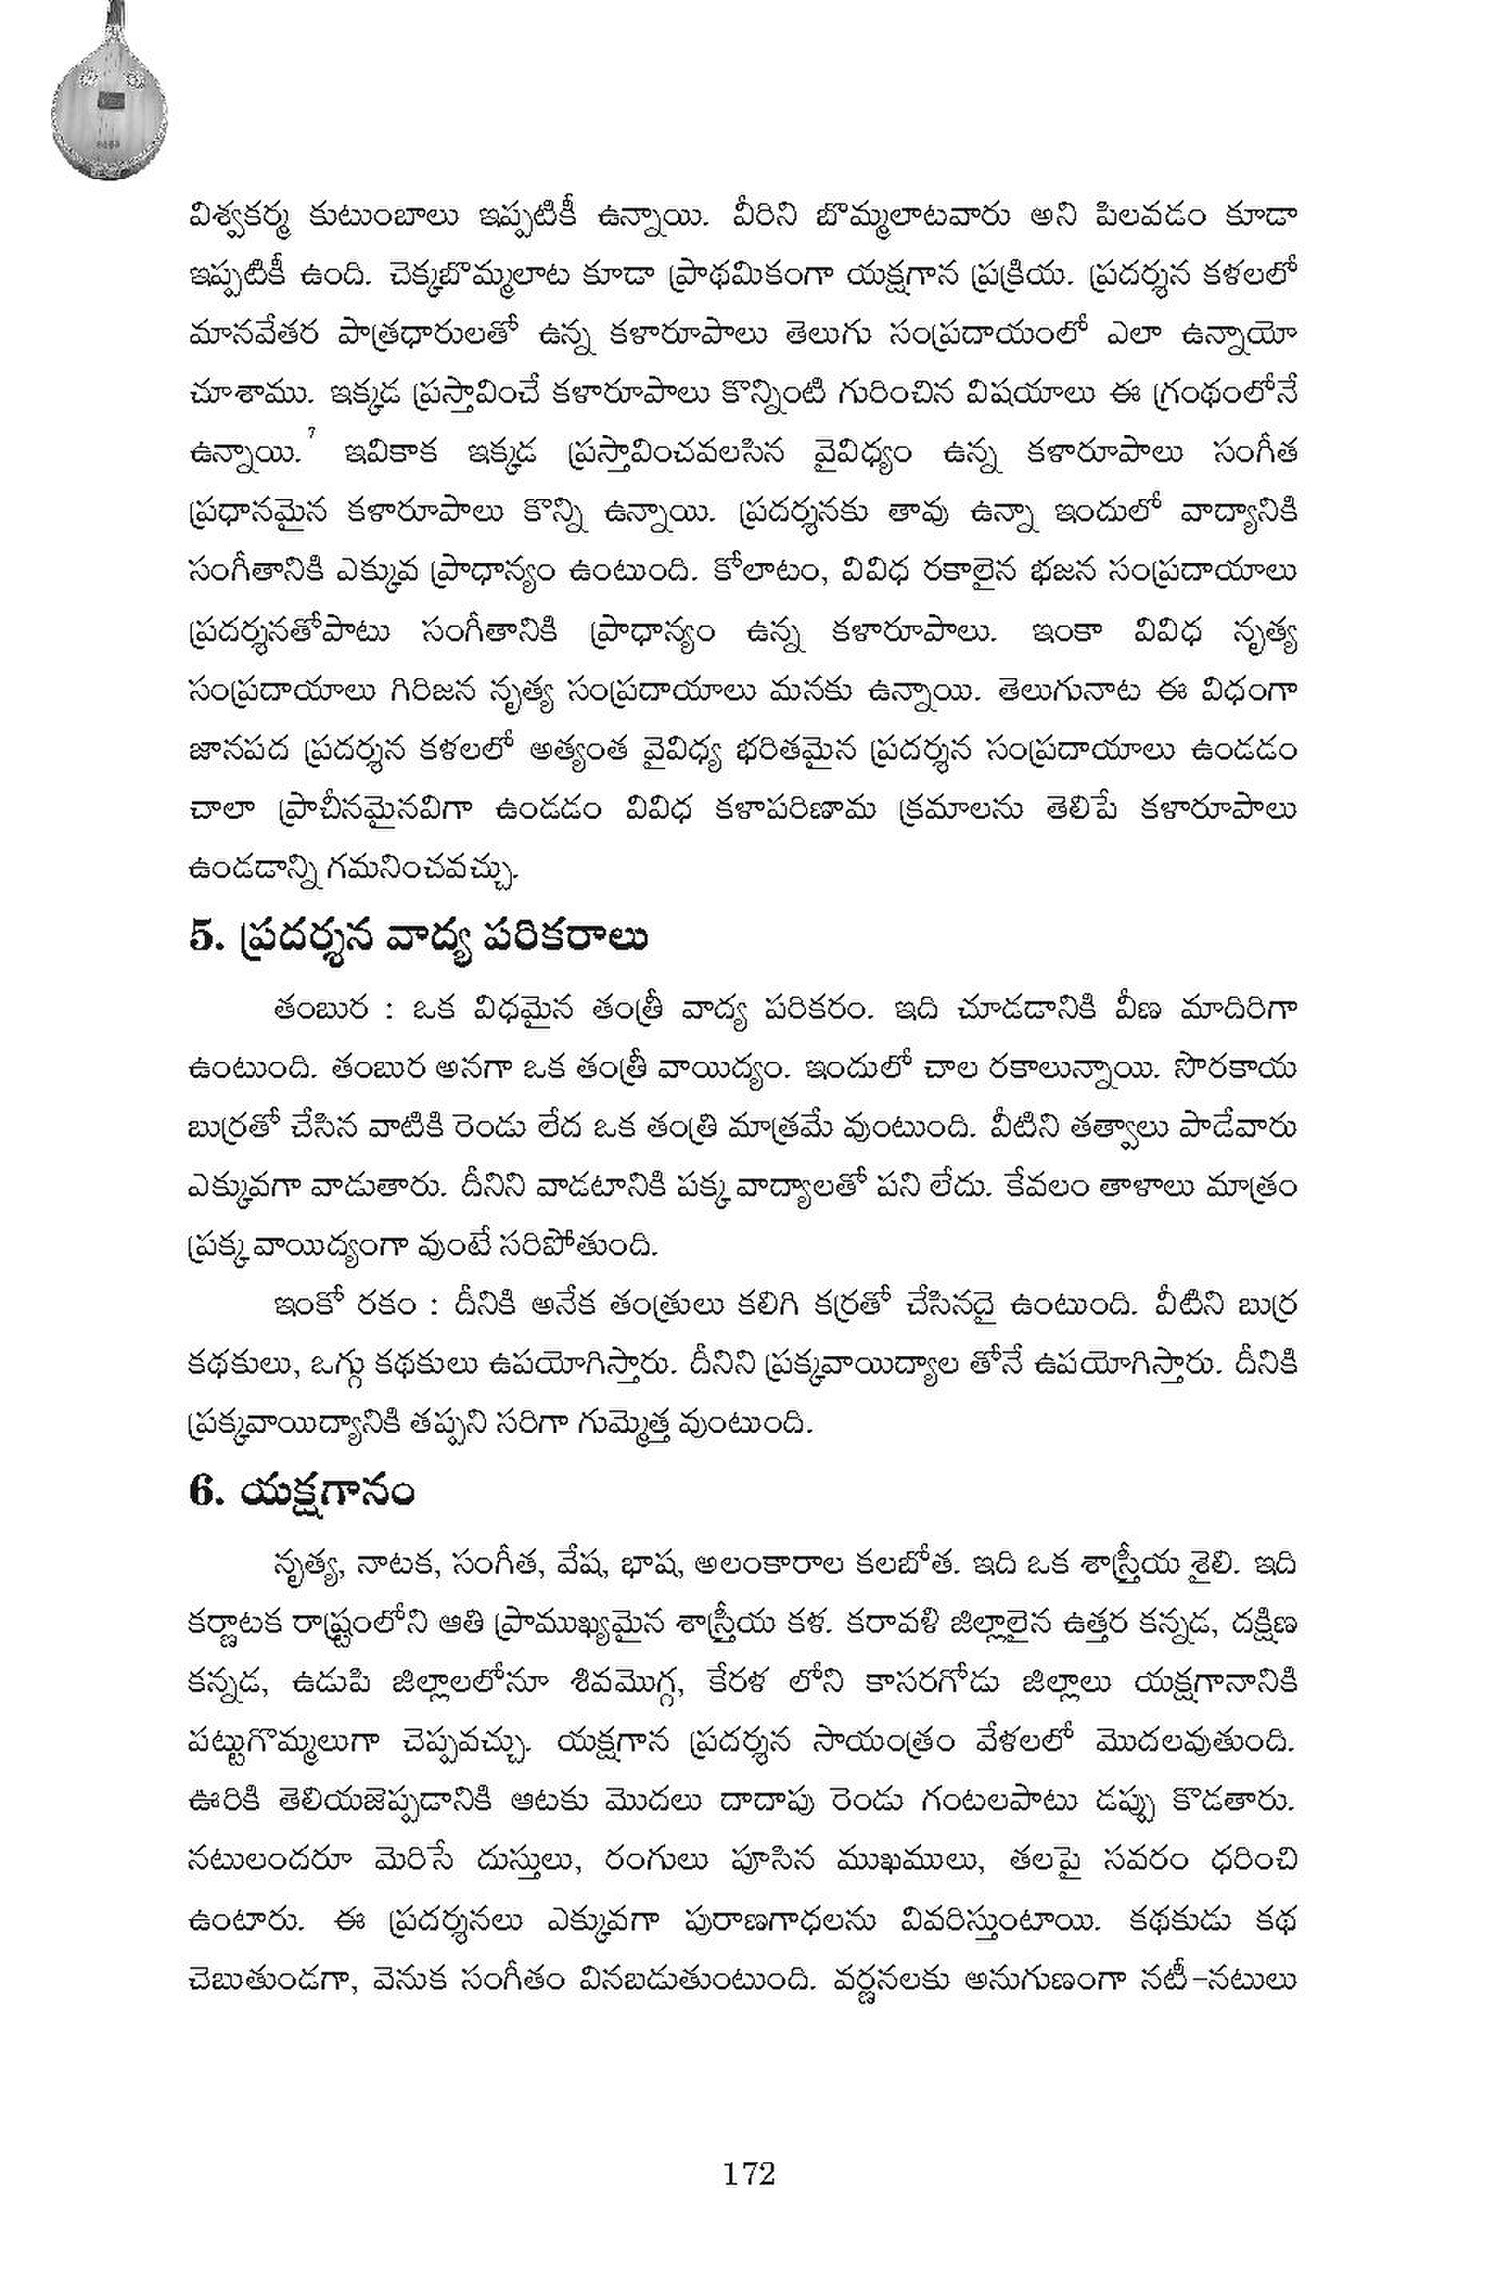విశ్వకర్మ కుటుంబాలు ఇప్పటికీ ఉన్నాయి. వీరిని బొమ్మలాటవారు అని పిలవడం కూడా ఇప్పటికీ ఉంది. చెక్కబొమ్మలాట కూడా ప్రాథమికంగా యక్షగాన ప్రక్రియ. ప్రదర్శన కళలలో మానవేతర పాత్రధారులతో ఉన్న కళారూపాలు తెలుగు సంప్రదాయంలో ఎలా ఉన్నాయో చూశాము. ఇక్కడ ప్రస్తావించే కళారూపాలు కొన్నింటి గురించిన విషయాలు ఈ గ్రంథం లోనే ఉన్నాయి.7 ఇవికాక ఇక్కడ ప్రస్తావించవలసిన వైవిధ్యం ఉన్న కళారూపాలు సంగీత ప్రధానమైన కళారూపాలు కొన్ని ఉన్నాయి. ప్రదర్శనకు తావు ఉన్నా ఇందులో వాద్యానికి సంగీతానికి ఎక్కువ ప్రాధాన్యం ఉంటుంది. కోలాటం, వివిధ రకాలైన భజన సంప్రదాయాలు ప్రదర్శనతోపాటు సంగీతానికి ప్రాధాన్యం ఉన్న కళారూపాలు. ఇంకా వివిధ నృత్య సంప్రదాయాలు గిరిజన నృత్య సంప్రదాయాలు మనకు ఉన్నాయి. తెలుగునాట ఈ విధంగా జానపద ప్రదర్శన కళలలో అత్యంత వైవిధ్య భరితమైన ప్రదర్శన సంప్రదాయాలు ఉండడం చాలా ప్రాచీనమైనవిగా ఉండడం వివిధ కళాపరిణామ క్రమాలను తెలిపే కళారూపాలు ఉండడాన్ని గమనించవచ్చు.

5. ప్రదర్శన వాద్య పరికరాలు 

తంబుర : ఒక విధమైన తంత్రీ వాద్య పరికరం. ఇది చూడడానికి వీణ మాదిరిగా ఉంటుంది. తంబుర అనగా ఒక తంత్రీ వాయిద్యం. ఇందులో చాల రకాలున్నాయి. సొరకాయ బుర్రతో చేసిన వాటికి రెండు లేద ఒక తంత్రి మాత్రమే వుంటుంది. వీటిని తత్వాలు పాడేవారు ఎక్కువగా వాడుతారు. దీనిని వాడటానికి పక్క వాద్యాలతో పని లేదు. కేవలం తాళాలు మాత్రం
ప్రక్క వాయిద్యంగా వుంటే సరిపోతుంది.

ఇంకో రకం : దీనికి అనేక తంత్రులు కలిగి కర్రతో చేసినదై ఉంటుంది. వీటిని బుర్ర కథకులు, ఒగ్గు కథకులు ఉపయోగిస్తారు. దీనిని ప్రక్కవాయిద్యాల తోనే ఉపయోగిస్తారు. దీనికి ప్రక్కవాయిద్యానికి తప్పని సరిగా గుమ్మెత్త వుంటుంది.

6. యక్షగానం 

నృత్య, నాటక, సంగీత, వేష, భాష, అలంకారాల కలబోత. ఇది ఒక శాస్త్రీయ శైలి. ఇది కర్ణాటక రాష్ట్రంలోని అతి ప్రాముఖ్యమైన శాస్త్రీయ కళ. కరావళి జిల్లాలైన ఉత్తర కన్నడ, దక్షిణ కన్నడ, ఉడుపి జిల్లాలలోనూ శివమొగ్గ, కేరళ లోని కాసరగోడు జిల్లాలు యక్షగానానికి పట్టుగొమ్మలుగా చెప్పవచ్చు. యక్షగాన ప్రదర్శన సాయంత్రం వేళలలో మొదలవుతుంది.
ఊరికి తెలియజెప్పడానికి ఆటకు మొదలు దాదాపు రెండు గంటలపాటు డప్పు కొడతారు. నటులందరూ మెరిసే దుస్తులు, రంగులు పూసిన ముఖములు, తలపై సవరం ధరించి ఉంటారు. ఈ ప్రదర్శనలు ఎక్కువగా పురాణగాధలను వివరిస్తుంటాయి. కథకుడు కథ చెబుతుండగా, వెనుక సంగీతం వినబడుతుంటుంది. వర్ణనలకు అనుగుణంగా నటీ నటులు